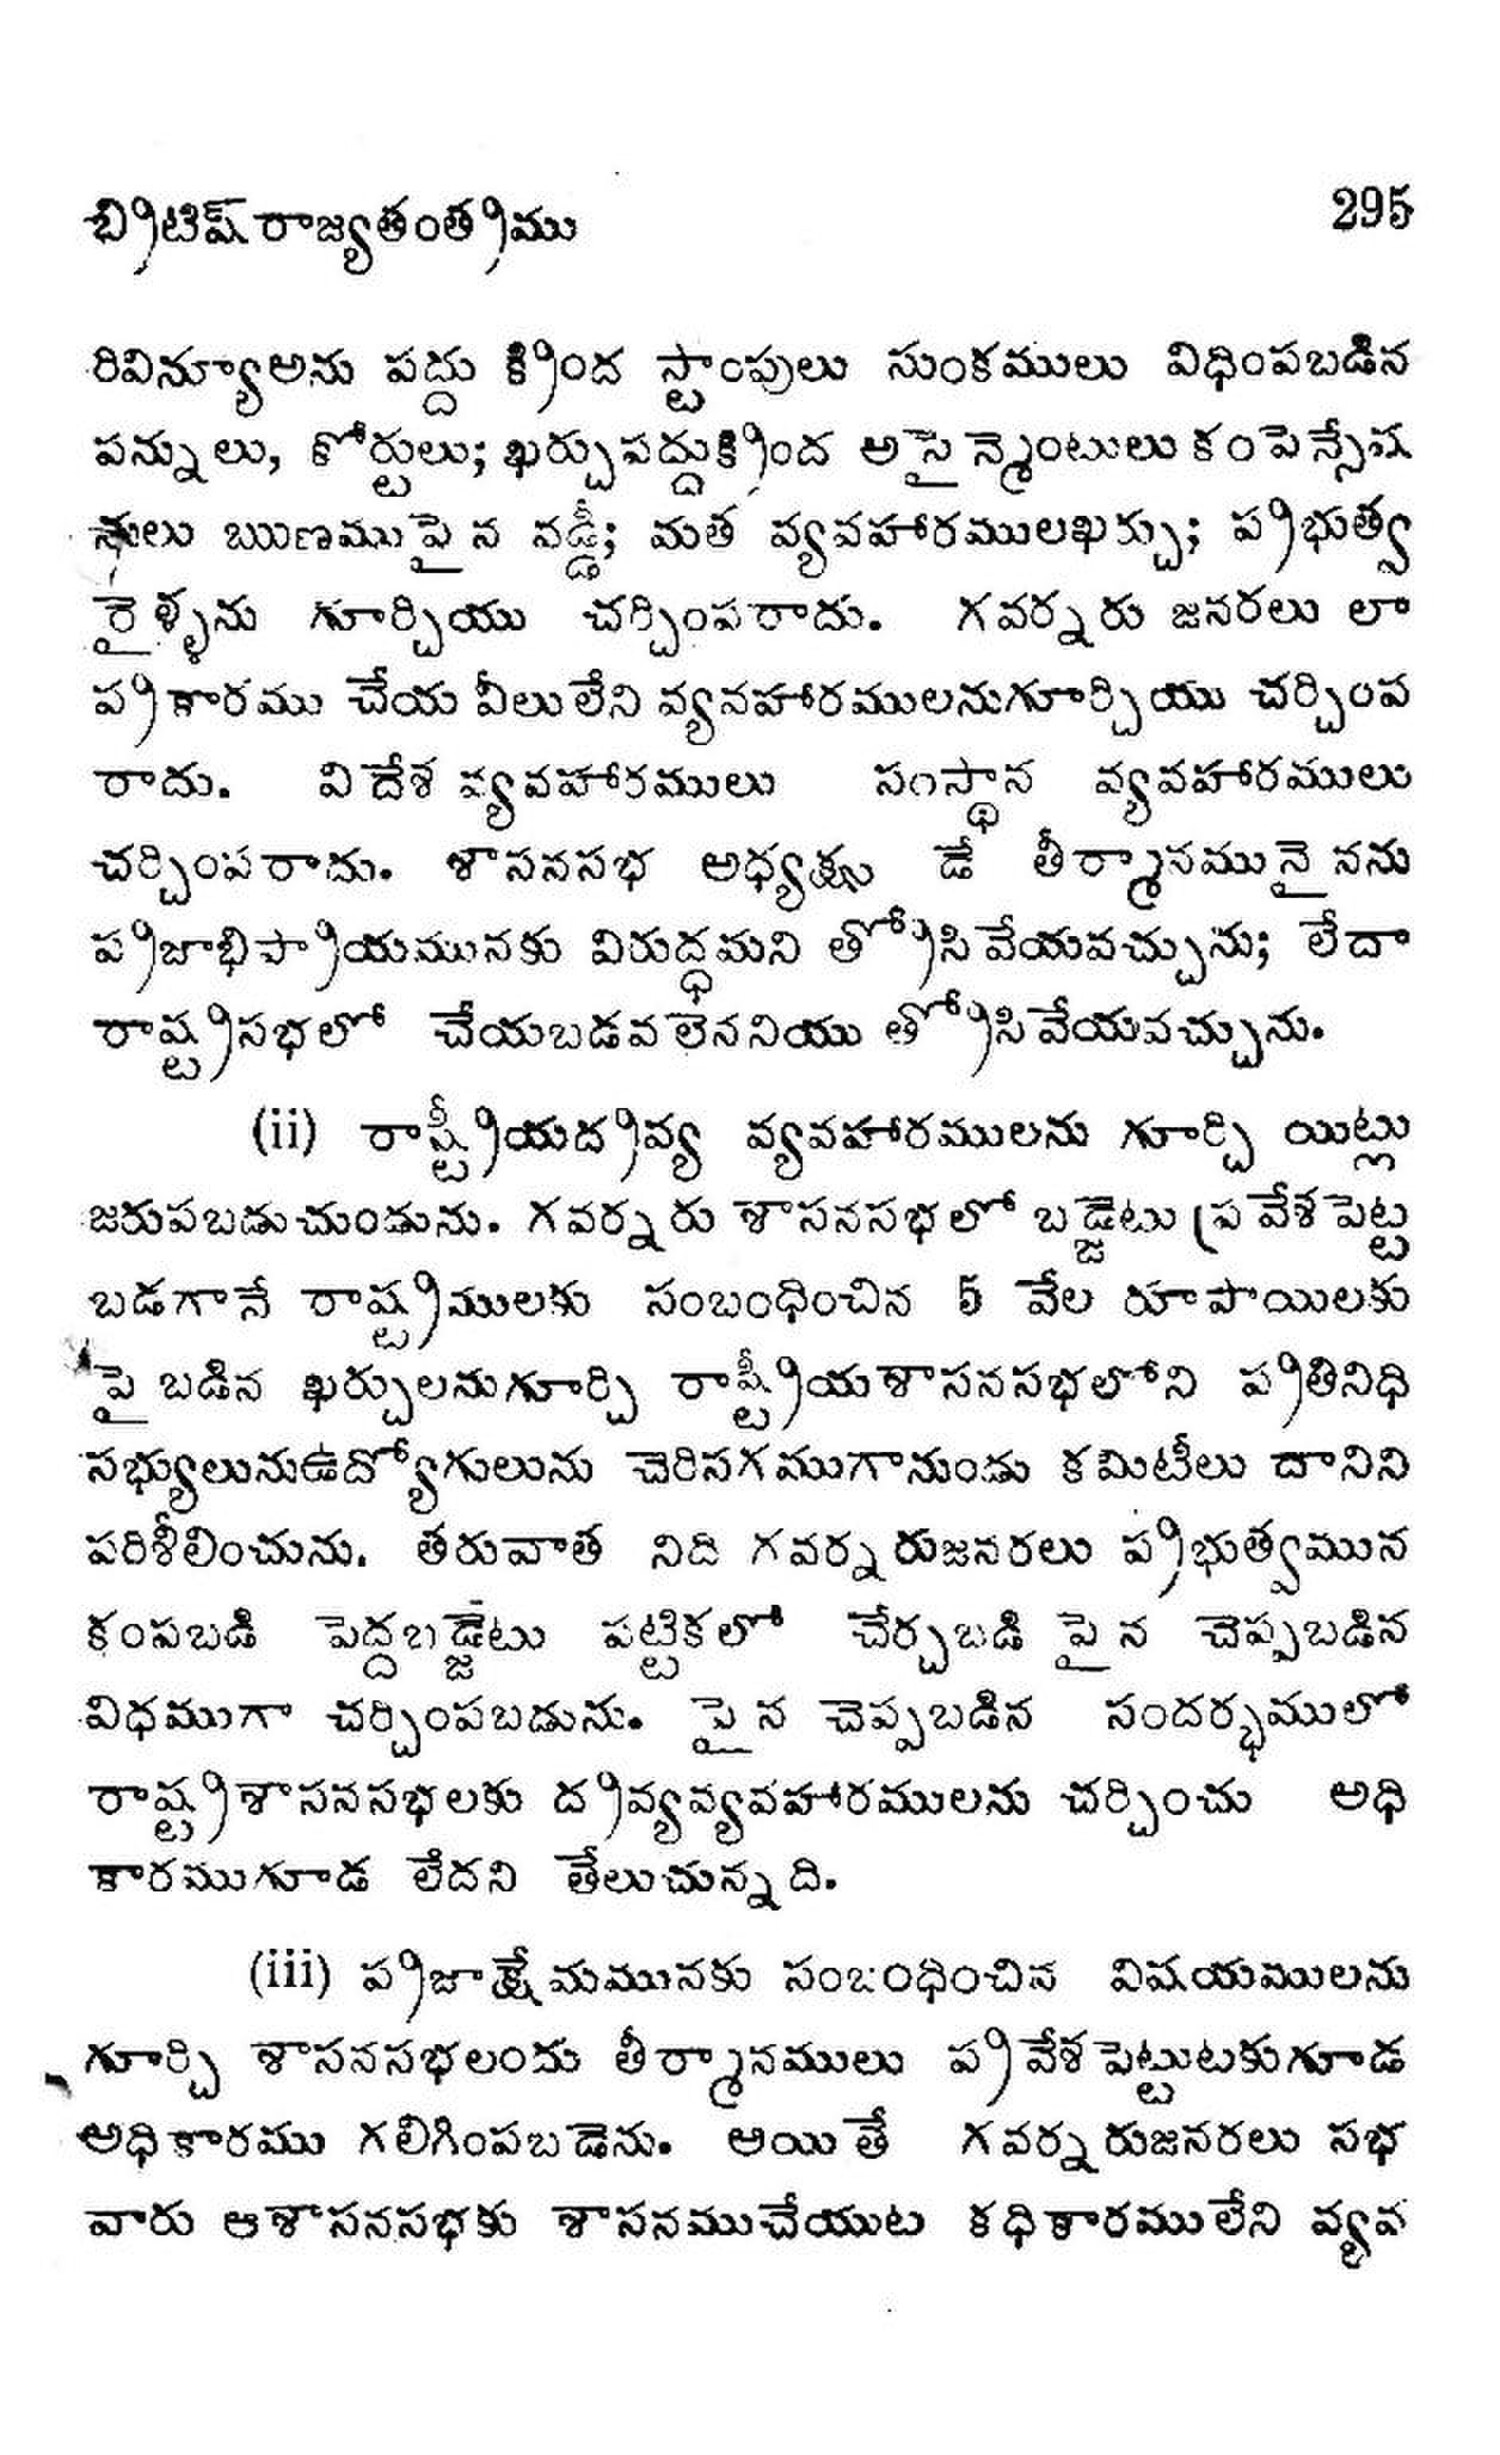రివిన్యూఅను పద్దు క్రింద స్టాంపులు సుంకములు విధింపబడిన పన్నులు, కోర్టులు; ఖర్చుపద్దుక్రింద అసైన్మెంటులు కంపెన్సేషనులు ఋణముపైన వడ్డీ; మత వ్యవహారములఖర్చు; ప్రభుత్వరైళ్ళను గూర్చియు చర్చింపరాదు. గవర్నరు జనరలు లా ప్రకారము చేయవీలులేని వ్యవహారములనుగూర్చియు చర్చింపరాదు. విదేశవ్యవహారములు సంస్థాన వ్యవహారములు చర్చింపరాదు. శాసనసభ అధ్యక్షు డే తీర్మానమునైనను ప్రబాభిప్రాయమునకు విరుద్ధమని త్రోసివేయవచ్చును; లేదా రాష్ట్రసభలో చేయబడవలెననియు త్రోసివేయవచ్చును.

(ii) రాష్ట్రీయద్రవ్య వ్యవహారములను గూర్చి యిట్లు జరుపబడుచుండును. గవర్నరు శాసనసభలో బడ్జెటు ప్రవేశపెట్టబడగానే రాష్ట్రములకు సంబంధించిన 5 వేల రూపాయిలకు పై బడిన ఖర్చులనుగూర్చి రాష్ట్రీయశాసనసభలోని ప్రతినిధిసభ్యులును ఉద్యోగులును చెరిసగముగా నుండు కమిటీలు దానిని పరిశీలించును. తరువాత నిది గవర్నరుజనరలు ప్రభుత్వమున కంపబడి పెద్దబడ్జెటు పట్టికలో చేర్చబడి పైన చెప్పబడిన విధముగా చర్చింపబడును. పైన చెప్పబడిన సందర్భములో రాష్ట్రశాసనసభలకు ద్రవ్యవ్యవహారములను చర్చించు అధికారము గూడ లేదని తేలుచున్నది.

(iii) ప్రజాక్షేమమునకు సంబంధించిన విషయములను గూర్చి శాసనసభలందు తీర్మానములు ప్రవేశపెట్టుటకుగూడ అధికారము గలిగింపబడెను. అయితే గవర్నరుజనరలు సభవారు ఆశాసనసభకు శాసనముచేయుట కధికారములేని వ్యవ